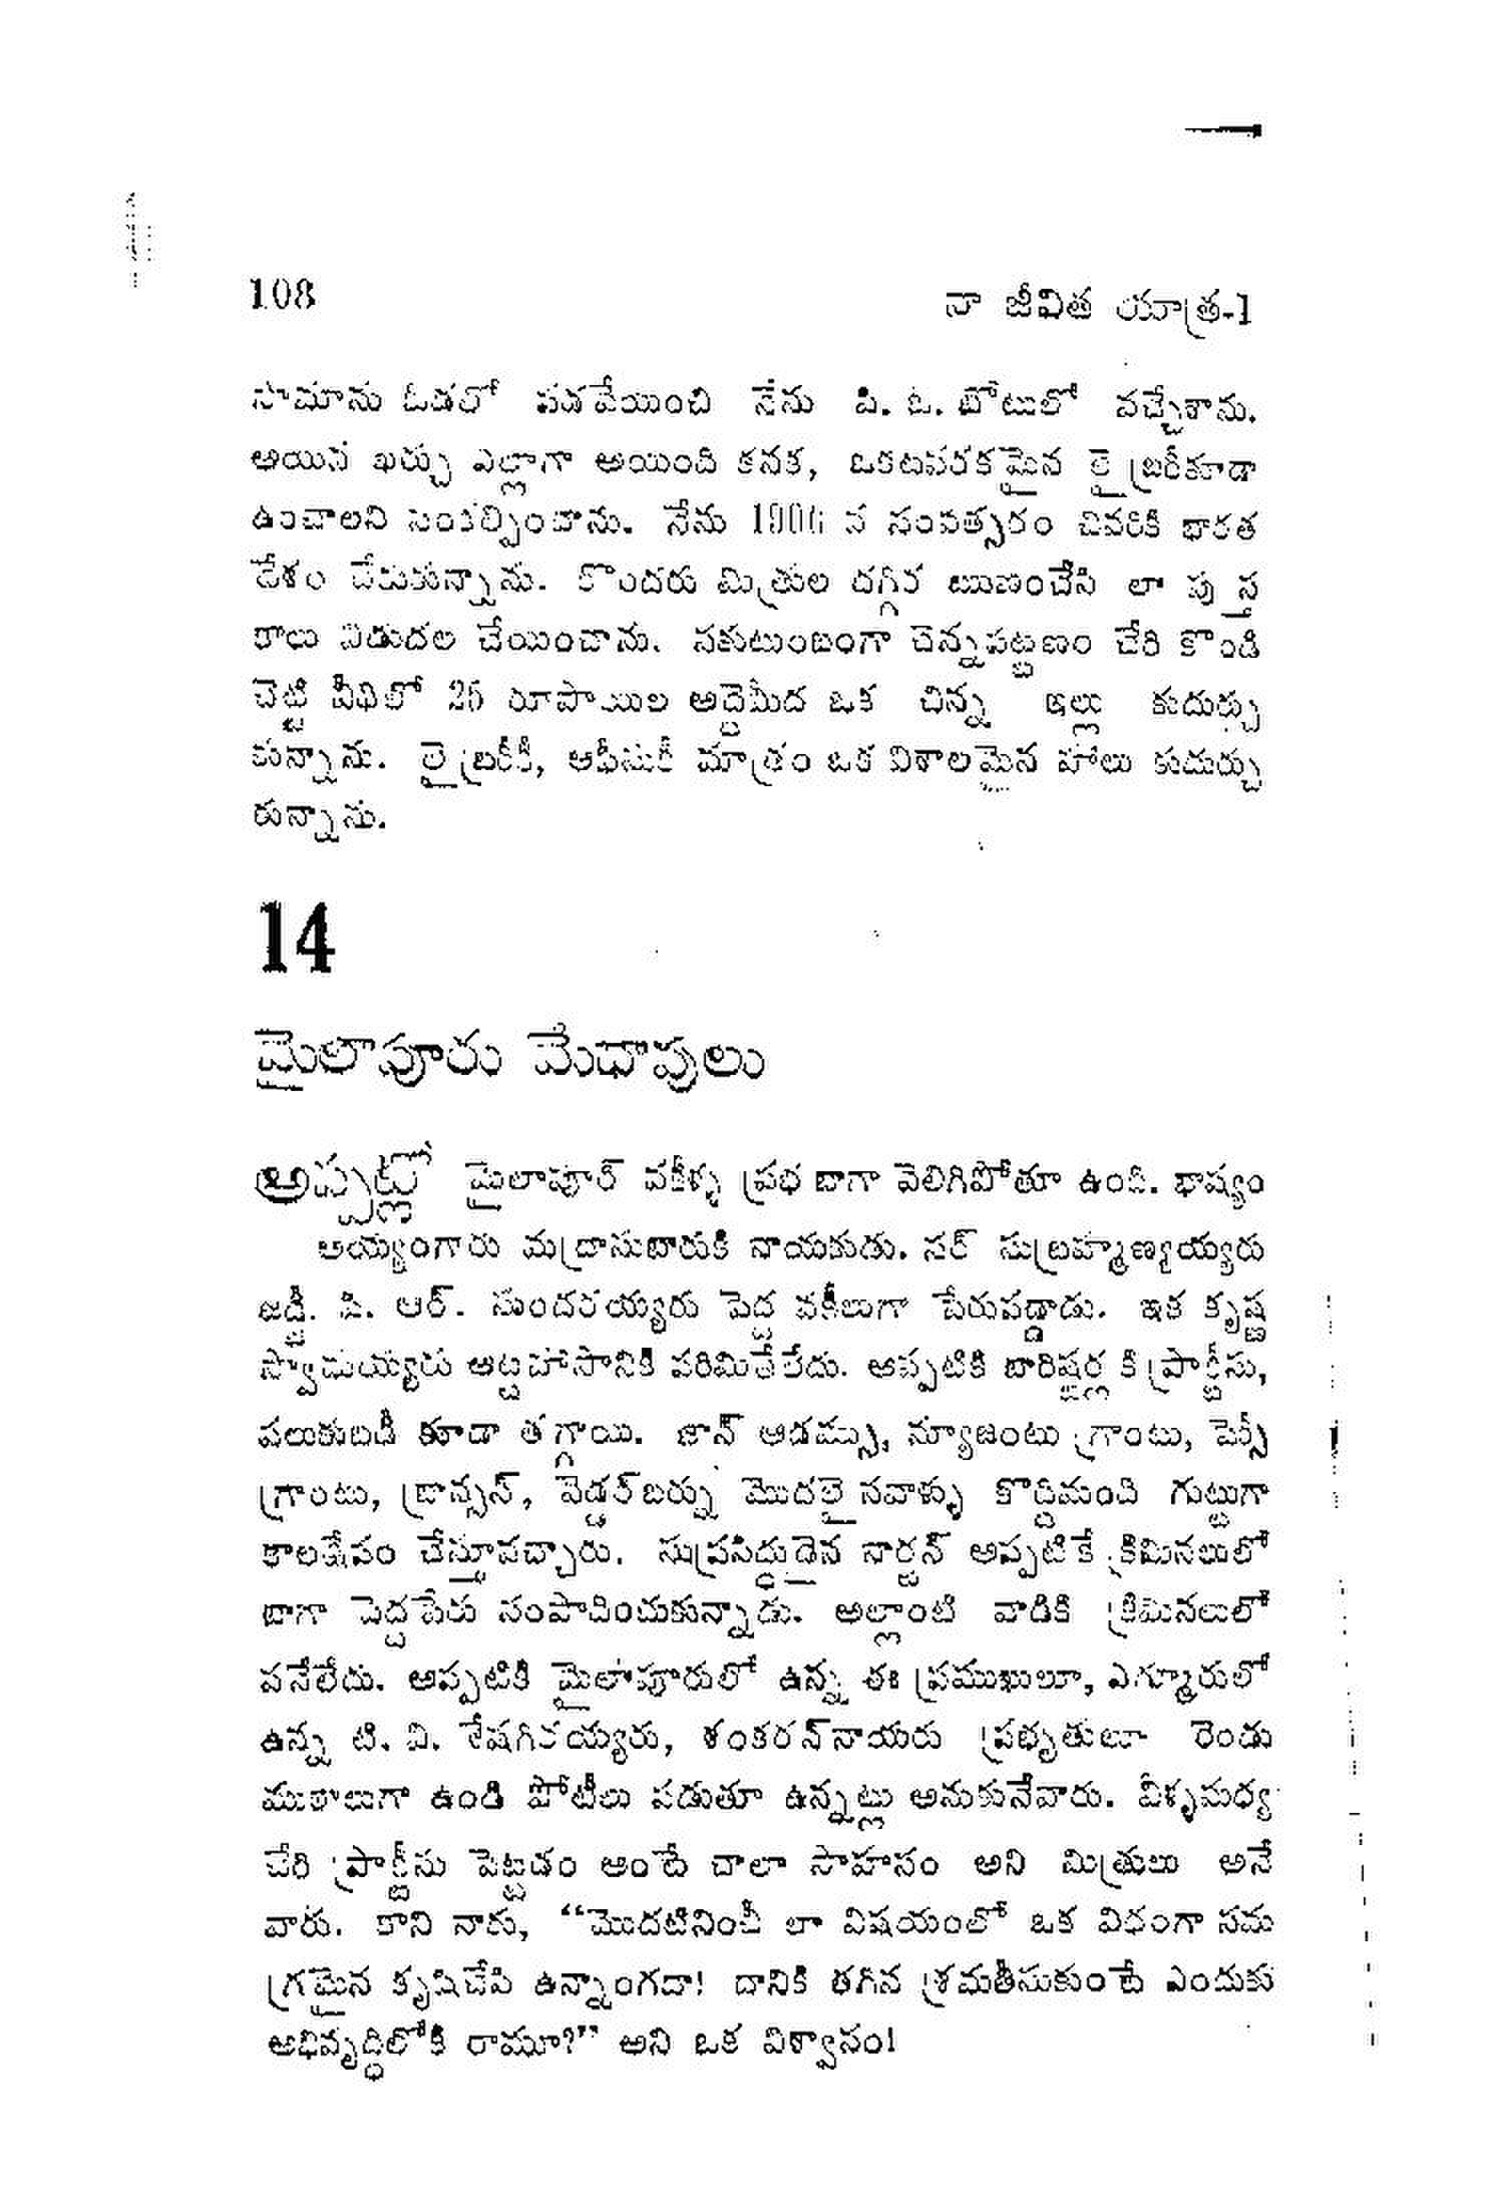సామాను ఓడలో పడవేయించి నేను పి. ఒ. బోటులో వచ్చేశాను. అయిన ఖర్చు ఎల్లాగ అయింది కనక, ఒకటవరకమైన లైబ్రరీకూడా ఉంచాలని సంకల్పించాను. నేను 1906 వ సంవత్సరం చివరికి భారత దేశం చేరుకున్నాను. కొందరు మిత్రుల దగ్గిర ఋణంచేసి లా పుస్తకాలు విడుదల చేయించాను. సకుటుంబంగా చెన్నపట్టణం చేరి కొండిచెట్టి వీథిలో 25 రూపాయిల అద్దెమీద ఒక చిన్న ఇల్లు కుదుర్చుకున్నాను. లైబ్రరీకీ, ఆఫీసుకీ మాత్రం ఒక విశాలమైన హాలు కుదుర్చుకున్నాను.

అప్పట్లో మైలాపూర్ వకీళ్ళ ప్రభ బాగా వెలిగిపోతూ ఉంది. భాష్యం అయ్యంగారు మద్రాసుబారుకి నాయకుడు. సర్ సుబ్రహ్మణ్యయ్యరు జడ్జీ. పి. ఆర్. సుందరయ్యరు పెద్ద వకీలుగా పేరుపడ్డాడు. ఇక కృష్ణస్వామయ్యరు అట్టహాసానికి పరిమితేలేదు. అప్పటికి బారిష్టర్ల కి ప్రాక్టీసు, పలుకుబడి కూడా తగ్గాయి. జాన్ ఆడమ్సు, న్యూజంటు గ్రాంటు, పెర్సీ గ్రాంటు, బ్రాన్సన్, వెడ్డర్ బర్ను మొదలైనవాళ్ళు కొద్దిమంది గుట్టుగా కాలక్షేపం చేస్తూవచ్చారు. సుప్రసిద్ధుడైన నార్జన్ అప్పటికే క్రిమినలులో బాగా పెద్దపేరు సంపాదించుకున్నారు. అల్లాంటి వాడికి క్రిమినలులో పనేలేదు. అప్పటికి మైలాపూరులో ఉన్న ఈ ప్రముఖులూ, ఎగ్మూరులో ఉన్న టి. వి. శేషగిరయ్యరు, శంకరన్‌నాయరు ప్రభృతులూ రెండు ముఠాలుగా ఉండి పోటీలు పడుతూ ఉన్నట్లు అనుకునేవారు. వీళ్ళమధ్యచేరి ప్రాక్టీసు పెట్టడం అంటే చాలా సాహసం అని మిత్రులు అనేవారు. కాని నాకు, "మొదటినించీ లా విషయంలో ఒక విధంగా సమగ్రమైన కృషిచేసి ఉన్నాంగదా! దానికి తగిన శ్రమతీసుకుంటే ఎందుకు అభివృద్ధిలోకి రామూ?" అని ఒక విశ్వాసం!